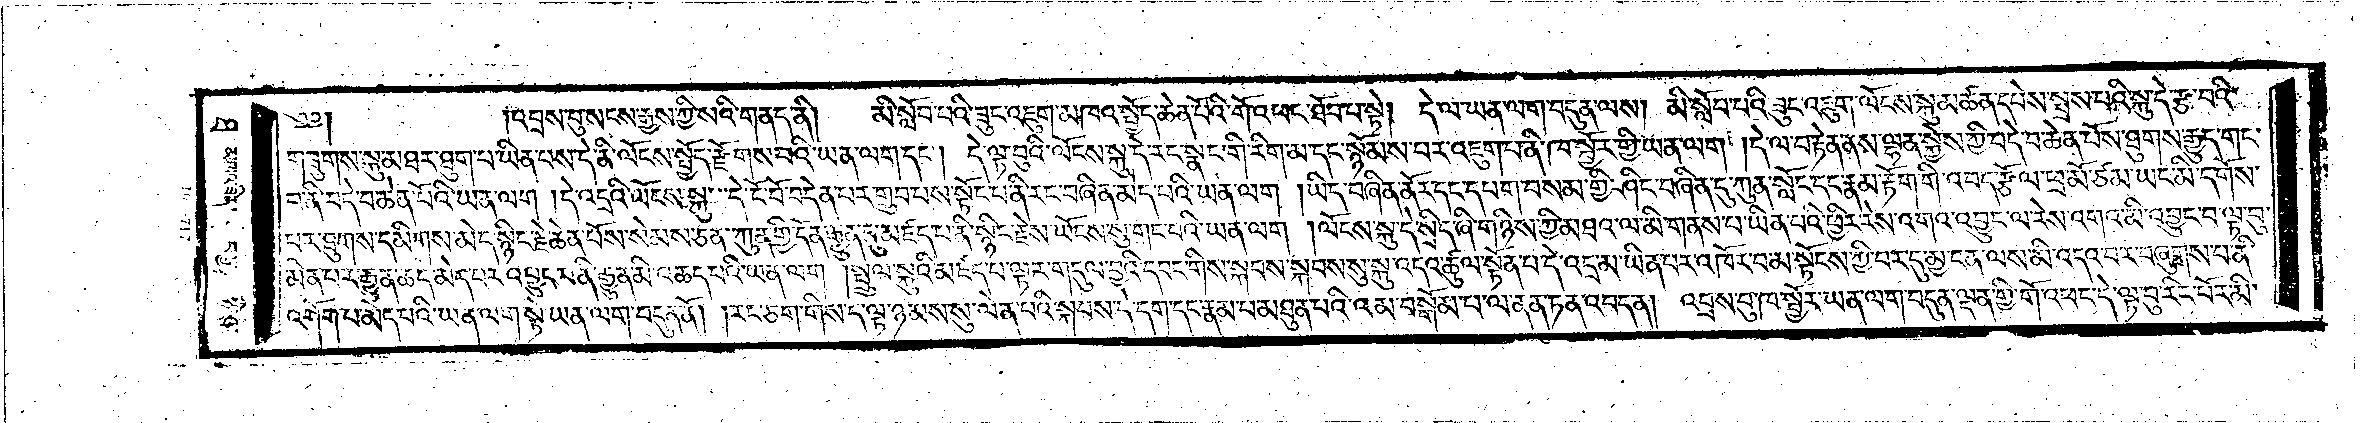༄༅། །འབྲས་བུ་སངས་རྒྱས་ཀྱི་སའི་གནད་ནི། མི་སློབ་པའི་ཟུང་འཇུག་མཁའ་སྤྱོད་ཆེན་པོའི་གོ་འཕང་ཐོབ་པ་སྟེ། དེ་ལ་ཡན་ལག་བདུན་ལས། མི་སློབ་པའི་ཟུང་འཇུག་ལོངས་སྐུ་མཚན་དཔེས་སྤྲས་པའི་སྐུ་དེ་རྩ་བའི་
གཟུགས་སྐུ་མཐར་ཐུག་པ་ཡིན་པས་དེ་ནི་ལོངས་སྤྱོད་རྫོགས་པའི་ཡན་ལག་དང་། དེ་ལྟ་བུའི་ལོངས་སྐུ་དེ་རང་སྣང་གི་རིག་མ་དང་སྙོམས་པར་འཇུག་པ་ནི་ཁ་སྦྱོར་གྱི་ཡན་ལག །དེ་ལ་བརྟེན་ནས་ལྷན་སྐྱེས་ཀྱི་བདེ་བ་ཆེན་པོས་ཐུགས་རྒྱུད་གང་
བ་ནི་བདེ་བ་ཆེན་པོའི་ཡན་ལག །དེ་འདྲའི་ལོངས་སྐུ་དེ་ངོ་བོ་བདེན་པར་གྲུབ་པས་སྟོང་པ་ནི་རང་བཞིན་མེད་པའི་ཡན་ལག །ཡིད་བཞིན་ནོར་དང་དཔག་བསམ་གྱི་ཤིང་བཞིན་དུ་ཀུན་སློང་དང་རྣམ་རྟོག་གི་འབད་རྩོལ་ཕྲ་མོ་ཙམ་ཡང་མི་དགོས་
པར་ཐུགས་དམིགས་མེད་སྙིང་རྗེ་ཆེན་པོས་སེམས་ཅན་ཀུན་གྱི་དོན་རྒྱུན་དུ་མཛད་པ་ནི་སྙིང་རྗེས་ཡོངས་སུ་གང་བའི་ཡན་ལག །ལོངས་སྐུ་དེ་སྲིད་ཞི་གཉིས་ཀྱི་མཐའ་ལ་མི་གནས་པ་ཡིན་པའི་ཕྱིར་རེས་འགའ་འབྱུང་ལ་རེས་འགའ་མི་འབྱུང་བ་ལྟ་བུ་
མིན་པར་རྒྱུན་ཆད་མེད་པར་འབྱུང་བ་ནི་རྒྱུན་མི་འཆད་པའི་ཡན་ལག །སྤྲུལ་སྐུའི་མཛད་པ་ལྟར་གདུལ་བྱའི་དབང་གིས་སྐབས་སྐབས་སུ་སྐུ་འདའ་ཚུལ་སྟོན་པ་དེ་འདྲ་མ་ཡིན་པར་འཁོར་བ་མ་སྟོངས་ཀྱི་བར་དུ་མྱ་ངན་ལས་མི་འདའ་བར་བཞུགས་པ་ནི་
འགོག་པ་མེད་པའི་ཡན་ལག་སྟེ་ཡན་ལག་བདུན་ནོ། །རང་ཅག་གིས་ད་ལྟ་ཉམས་སུ་ལེན་པའི་སྐབས་དེ་དག་དང་རྣམ་པ་མཐུན་པའི་ལམ་བསྒོམ་པ་ལ་ནན་ཏན་འབད་ན། འབྲས་བུ་ཁ་སྦྱོར་ཡན་ལག་བདུན་ལྡན་གྱི་གོ་འཕང་དེ་ལྟ་བུ་རིང་པོར་མི་